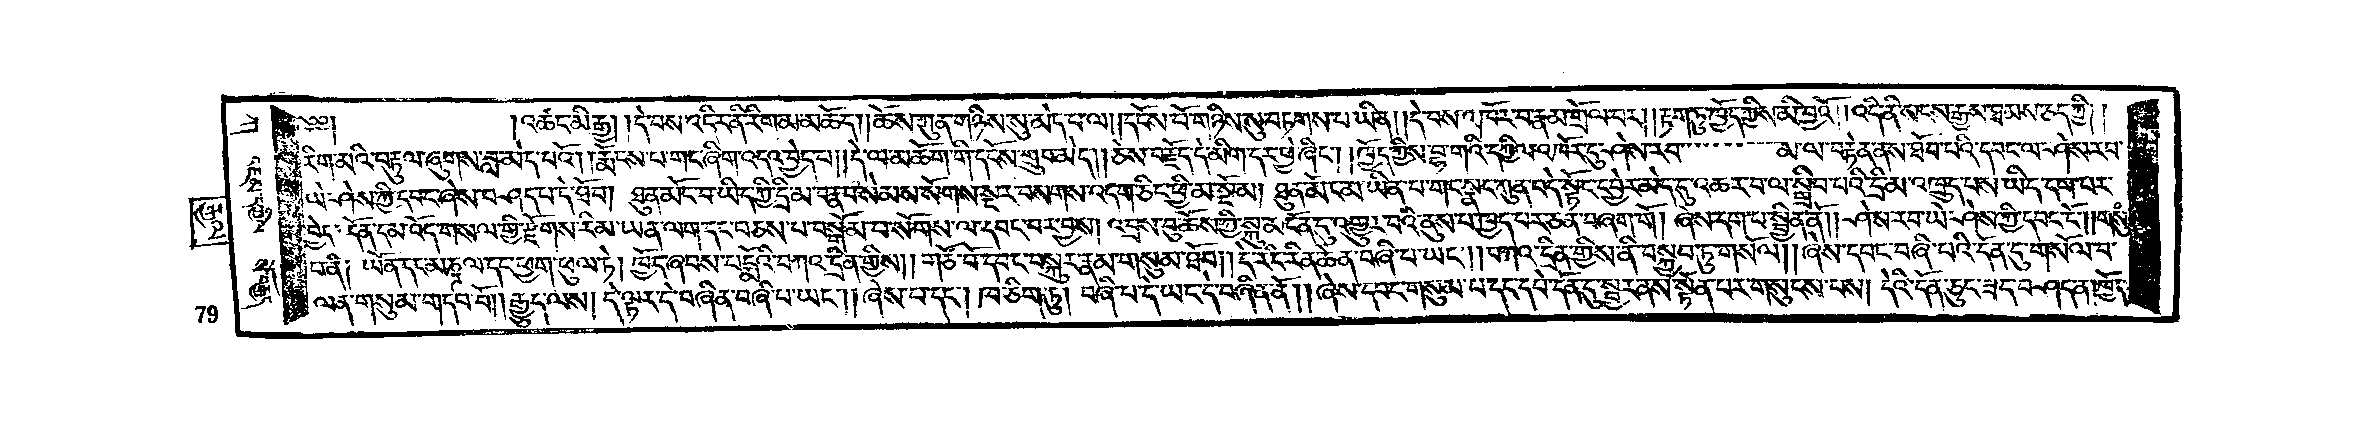༄༅། །འཚང་མི་རྒྱ། །དེ་བས་འདིར་ནི་རིག་མ་མཆོད། །ཆོས་ཀུན་གཉིས་སུ་མེད་པ་ལ། །དངོས་པོ་གཉིས་སུ་བཏགས་པ་ཡིན། །དེ་བས་འཁོར་བ་རྣམ་གྲོལ་བར། །རྟག་ཏུ་ཁྱོད་ཀྱིས་མི་བྱའོ། །འདི་ནི་སངས་རྒྱས་ཐམས་ཅད་ཀྱི། །
རིག་མའི་བརྟུལ་ཞུགས་བླ་མེད་པའོ། །རྨོངས་པ་གང་ཞིག་འདའ་བྱེད་པ། །དེ་ལ་མཆོག་གི་དངོས་གྲུབ་མེད། །ཅེས་བརྗོད་དེ་མིག་དར་ཕྱེ་ཞིང་། །ཁྱོད་ཀྱིས་བྷ་གའི་དཀྱིལ་འཁོར་དུ་ཤེས་རབ་མ་ལ་བརྟེན་ནས་ཐོབ་པའི་དབང་ལ་ཤེས་རབ་
ཡེ་ཤེས་ཀྱི་དབང་ཞེས་བཤད་པ་དེ་ཐོབ། ཐུན་མོང་བ་ཡིད་ཀྱི་དྲི་མ་བརྣབ་སེམས་སོགས་སྔར་བསགས་འདག་ཅིང་ཕྱི་མ་སྡོམ།?  ཐུན་མོང་མ་ཡིན་པ་གང་སྣང་ཀུན་བདེ་སྟོང་དབྱེར་མེད་དུ་འཆར་བ་ལ་སྒྲིབ་པའི་དྲི་མ་འཁྲུད་པས་ཡིད་དག་པར་
བྱེད༑ དོན་དམ་འོད་གསལ་གྱི་རྫོགས་རིམ་ཡན་ལག་དང་བཅས་པ་བསྒོམ་པ་སོགས་ལ་དབང་བར་བྱས། འབྲས་བུ་ཆོས་ཀྱི་སྐུ་མངོན་དུ་འགྱུར་བའི་ནུས་པ་ཁྱད་པར་ཅན་བཞག་གོ །ཞེས་དག་པ་སྦྱིན་ནོ། །ཤེས་རབ་ཡེ་ཤེས་ཀྱི་དབང་ངོ། །གསུམ་
པ་ནི། ཡོན་དང་མཎཌལ་དང་ཕྱག་ཕུལ་ཏེ། ཁྱོད་ཞབས་པདམོའི་བཀའ་དྲིན་གྱིས། །གཙོ་བོ་དབང་བསྐུར་རྣམ་གསུམ་ཐོབ། །དེ་རིང་རིན་ཆེན་བཞི་པ་ཡང་། །བཀའ་དྲིན་གྱིས་ནི་བསྐྱབ་ཏུ་གསོལ། །ཞེས་དབང་བཞི་པའི་དོན་དུ་གསོལ་བ་
ལན་གསུམ་གདབ་པོ།?  །རྒྱུད་ལས། དེ་ལྟར་དེ་བཞིན་བཞི་པ་ཡང་། །ཞེས་པ་དང་། ཁ་ཅིག་ཏུ། བཞི་པ་དེ་ཡང་དེ་བཞིན་ནོ། །ཞེས་དབང་གསུམ་པ་དང་དཔེ་དོན་དུ་སྦྱར་ནས་སྟོན་པར་གསུངས་པས། དེའི་དོན་ཅུང་ཟད་བཤད་ན་ཁྱོད་